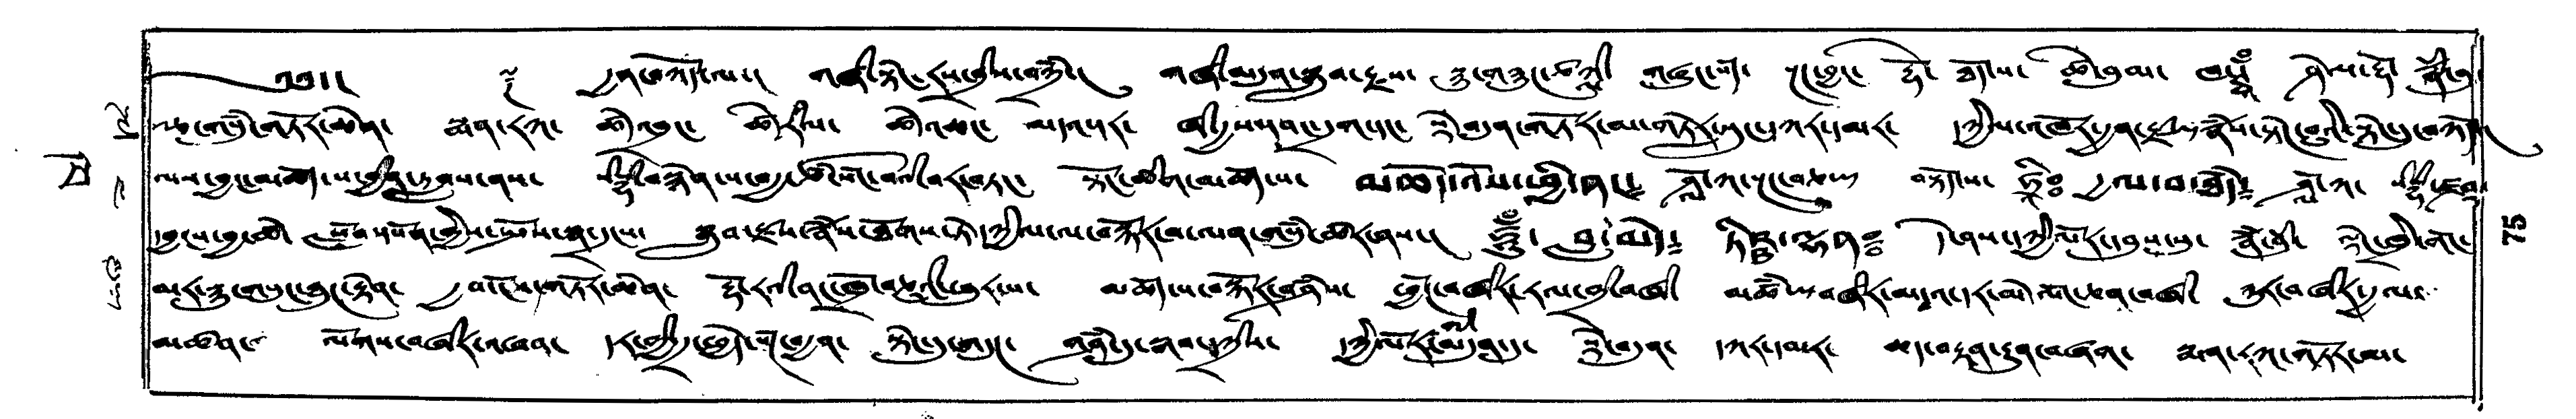རྒྱན་བཀོད་ལ། གཞི་སྟེང་རས་བྲིས་བཀྲམ། གཞི་མདུན་སྒྲུབ་རྫས། སྐུ་གཟུགས་ཙཀ་ལི། གཞུང་པོད། སྔགས་བྱང་། རྡོ་རྗེ། ཐོད་པ། ཚེ་བུམ། ཁཊྭྃ། ཤེལ་རྡོ། རྣམ་བཾ།
རྩ་གསུམ་གཏོར་ཆེན། སྨན་རཀ། ཚེ་འབྲང་། ཚེ་རིལ། ཚེ་འཆང་། མདའ་དར། ཞི་རྒྱས་དབང་དྲག་དང་སྡེ་བདུན་གཏོར་མ། གཏེར་སྲུང་དཀར་དམར། དཀྱིལ་འཁོར་རྒྱན་རྫས་རྣམས་སྟེགས་བུའི་སྟེང་དུ་བཀོད། 
ལས་བྱང་མཆོད་པ་བྱིན་རླབས་ནས། སིདྡྷིའི་བསྙེན་པ་བརྒྱ་རྩ་སོང་བའི་བར་བཏང་། སྟོང་ཚིག་མཆོད་པ། མཆོད་འོས་ཕྱི་ནང༴ ཤོ་ལོ་ཀ་སྔགས་བཅས། བསྟོད་པ། ཧྲཱིཿ རྒྱལ་བ་ཐམས་ཅད༴ ཤོ་ལོ་ཀ། སིདྡྷི་ཛཔ་
དབྱངས་བྱ་ཚེ། སློབ་དཔོན་གྱིས་སྤོས་སྣ་དྲངས། སྒྲུབ་རྫས་རྣམས་ཐོགས་ཏེ་དཀྱིལ་འཁོར་ལ་བསྐོར་བ་ལན་གསུམ་ཚར་ནས། ཧཱུྃ། བླ་མེད༴ ཏིཥྛ་ལྷན༔ དེ་ནས་དཀྱིལ་འཁོར་དབུས་སུ། རྣམ་བུམ། ལྡེང་ཁྲི་གོང་
མར་སྐུ་གསུང་ཐུགས་རྟེན། རྒྱབ་ངོས་གཏོར་ཆེན། རྡོ་རའི་ནང་ཁྲོ་བཅུའི་ཕུར་པ། མཆོད་པ་བསྐོར་བཤམས། ཕྱོགས་བཞིར་རལ་གྲི་བཞི། མཚམས་བཞིར་མདའ་དར་མེ་ལོང་ཅན་བཞི། སྐུར་བཞིར་རྒྱལ་
མཚན། ལོགས་བཞིར་འཕན། དར་གྱི་དྲ་ཕྱེད་སོགས་བརྒྱན། སྟེང་དུ་གདུགས། གཤམ་དུ་སྒབ་དཀྲིས། དཀྱིལ་འཁོར་་གྱི་མདུན་དུ། སྡེ་བདུན། དཀར་དམར། ཆད་བརྟན་རྒྱུན་བཞག སྨན་རཀ་གཏོར་མ་